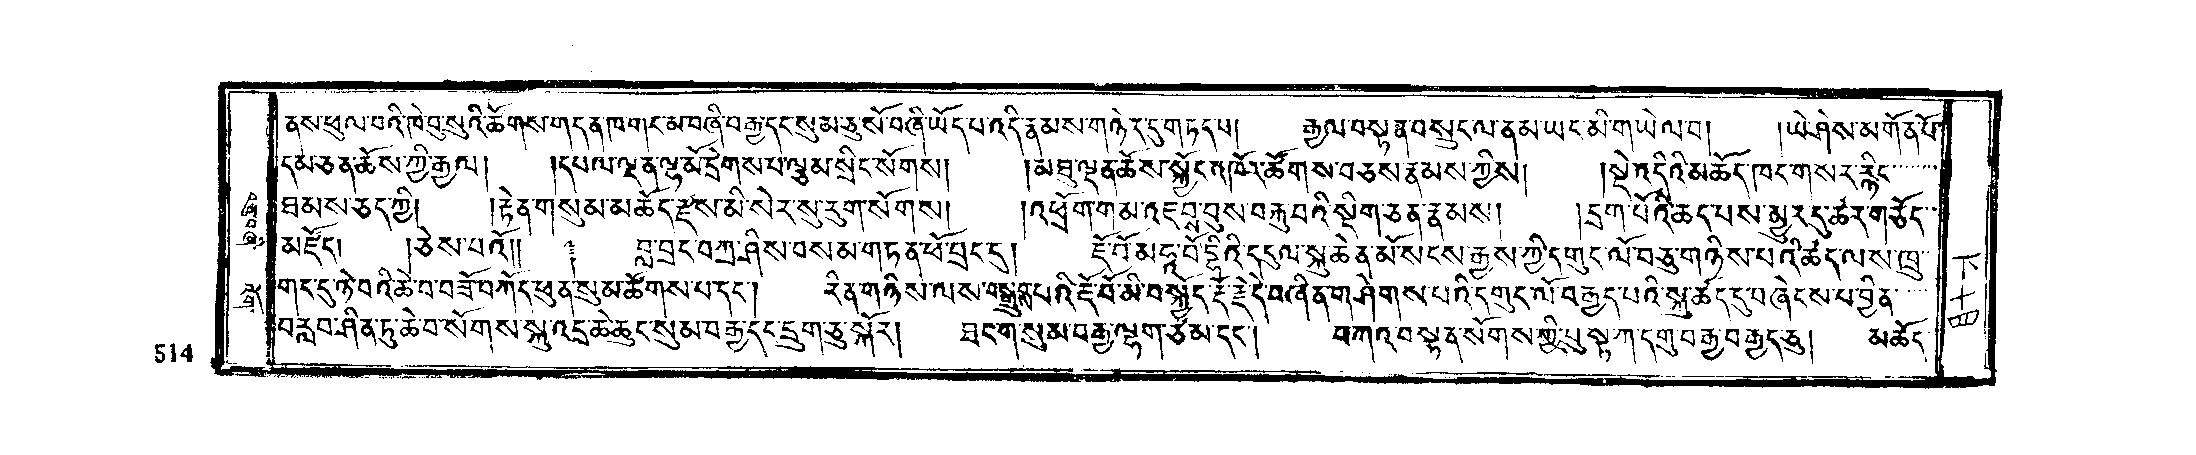ནས་ཕུལ་བའི་ཁེ་བུ་སུའི་ཚོགས་གདན་ཁ་གང་མ་བཞི་བརྒྱ་དང་སུམ་ཅུ་སོ་བཞི་ཡོད་པ་འདི་རྣམས་གཉེར་དུ་གཏད་པ། རྒྱལ་བསྟན་བསྲུང་ལ་ནམ་ཡང་མི་གཡེལ་བ། །ཡེ་ཤེས་མགོན་པོ་
དམ་ཅན་ཆོས་ཀྱི་རྒྱལ། །དཔལ་ལྡན་ལྷ་མོ་དྲེགས་པ་ལྕམ་སྲིང་སོགས། །མཐུ་ལྡན་ཆོས་སྐྱོང་འཁོར་ཚོགས་བཅས་རྣམས་ཀྱིས། །སྡེ་འདིའི་མཆོད་ཁང་གསར་རྙིང་
ཐམས་ཅད་ཀྱི། །རྟེན་གསུམ་མཆོད་རྫས་མི་སེར་སུ་རུག་སོགས། །འཕྲོག་གམ་འཇབས་བུས་བརྐུ་བའི་སྡིག་ཅན་རྣམས། །དྲག་པོའི་ཆད་པས་མྱུར་དུ་ཚར་གཅོད་
མཛོད། །ཅེས་པའོ། །བླ་བྲང་བཀྲ་ཤིས་བསམ་གཏན་ཕོ་བྲང་དུ། ཇོ་བོ་མཧཱ་བོ་དྷིའི་དངུལ་སྐུ་ཆེན་མོ་སངས་རྒྱས་ཀྱི་དགུང་ལོ་བཅུ་གཉིས་པའི་ཚད་ལས་ཁྲུ་
གང་དུ་ཉེ་བའི་ཆེ་བ་བཟོ་བཀོད་ཕུན་སུམ་ཚོགས་པ་དང་། རིན་གཉིས་ལས་བསྒྲུབས་པའི་ཇོ་བོ་མི་བསྐྱོད་རྡོ་རྗེ་དེ་བཞིན་གཤེགས་པའི་དགུང་ལོ་བརྒྱད་པའི་སྐུ་ཚད་དུ་བཞེངས་པ་བྱིན་
བརླབ་ཤིན་ཏུ་ཆེ་བ་སོགས་སྐུ་འདྲ་ཆེ་ཆུང་སུམ་བརྒྱ་དང་དྲུག་ཅུ་སྐོར། ཐང་གསུམ་བརྒྱ་ལྷག་ཙམ་དང་། བཀའ་བསྟན་སོགས་ཀྱི་པུ་སྟ་ཀ་དགུ་བརྒྱ་བརྒྱད་ཅུ། མཆོད་